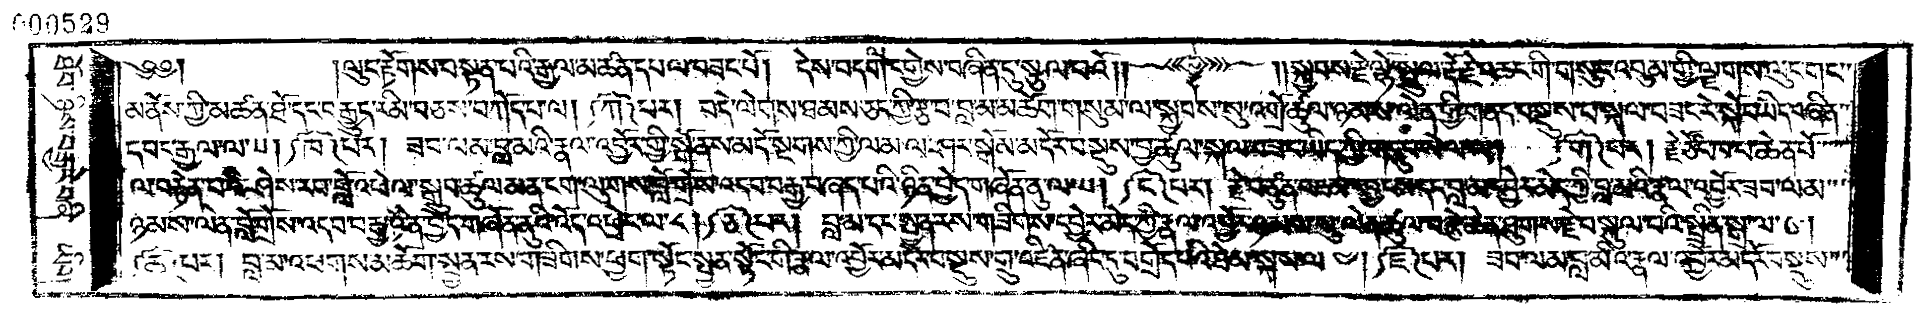༄༅། །ལུང་རྟོགས་བསྟན་པའི་རྒྱལ་མཚན་དཔལ་བཟང་པོ། དེས་བདག་དགྱེས་བཞིན་དུ་སྩལ་བའོ།། ?་།།སྐྱབས་རྗེ་ལྷོ་སྤྲུལ་རྡོ་རྗེ་འཆང་གི་གསུང་འབུམ་གྱི་ལྗགས་ལུང་གང་
མནོས་ཀྱི་མཚན་ཐོ་དང་བརྒྱུད་རིམ་བཅས་བཀོད་པ་ལ། ༼ཀ༽ པར། བདེ་ལེགས་ཐམས་ཅད་ཀྱི་རྩ་བ་བླ་མ་མཆོག་གསུམ་ལ་སྐྱབས་སུ་འགྲོ་ཚུལ་ཉམས་ལེན་གྱི་གནང་བསྡུས་པ་སྐལ་བཟང་རེ་སྐོང་ཡིད་བཞིན་
དབང་རྒྱལ་ལ ༥། ༼ཁ༽ པར། ཟབ་ལམ་བླ་མའི་རྣལ་འབྱོར་གྱི་སྒོ་ནས་མདོ་སྔགས་ཀྱི་ལམ་ལ་ཤར་སྒོམ་མདོར་བསྡུས་བྱ་ཚུལ་སྐལ་བཟང་ཡིད་ཀྱི་གདུང་སེལ་ལ། ༼ག༽ པར། རྗེ་ཙོང་ཁ་པ་ཆེན་པོ་
ལ་བརྟེན་པའི་ཤེས་རབ་བློ་འཕེལ་སྒྲུབ་ཚུལ་མན་ངག་ལུགས་བློ་གྲོས་འདབ་བརྒྱ་བཞད་པའི་ཉིན་བྱེད་གཞོན་ནུ་ལ ༥། ༼ང༽ པར། རྗེ་བཙུན་འཇམ་དབྱངས་དང་བླ་མ་དབྱེར་མེད་ཀྱི་བླ་མའི་རྣལ་འབྱོར་ཟབ་ལམ་
ཉམས་ལེན་བློ་གྲོས་འདབ་བརྒྱ་ཉིན་བྱེད་གཞོན་ནུའི་འོད་འཕྲེང་ལ ༨། ༼ཅ༽ པར། བླ་མ་དང་སྤྱན་རས་གཟིགས་དབྱེར་མེད་ཀྱི་རྣལ་ལ་འབྱོར་ཉམས་སུ་ལེན་ཚུལ་བརྩེ་ཆེན་ཐུགས་རྗེ་བསྐུལ་བའི་སྤྲིན་སྒྲ་ལ ༦།
༼ཆ༽ པར། བླ་མ་འཕགས་མཆོག་སྤྱན་རས་གཟིགས་ཕྱག་སྟོང་སྤྱན་སྟོང་གི་རྣལ་འབྱོར་མདོར་བསྡུས་གྲུ་འཛིན་ཞིང་དུ་བགྲོད་པའི་ཐེམ་སྐས་ལ ༤། ༼ཇ༽ པར། ཟབ་ལམ་བླ་མའི་རྣལ་འབྱོར་མདོར་བསྡུས་